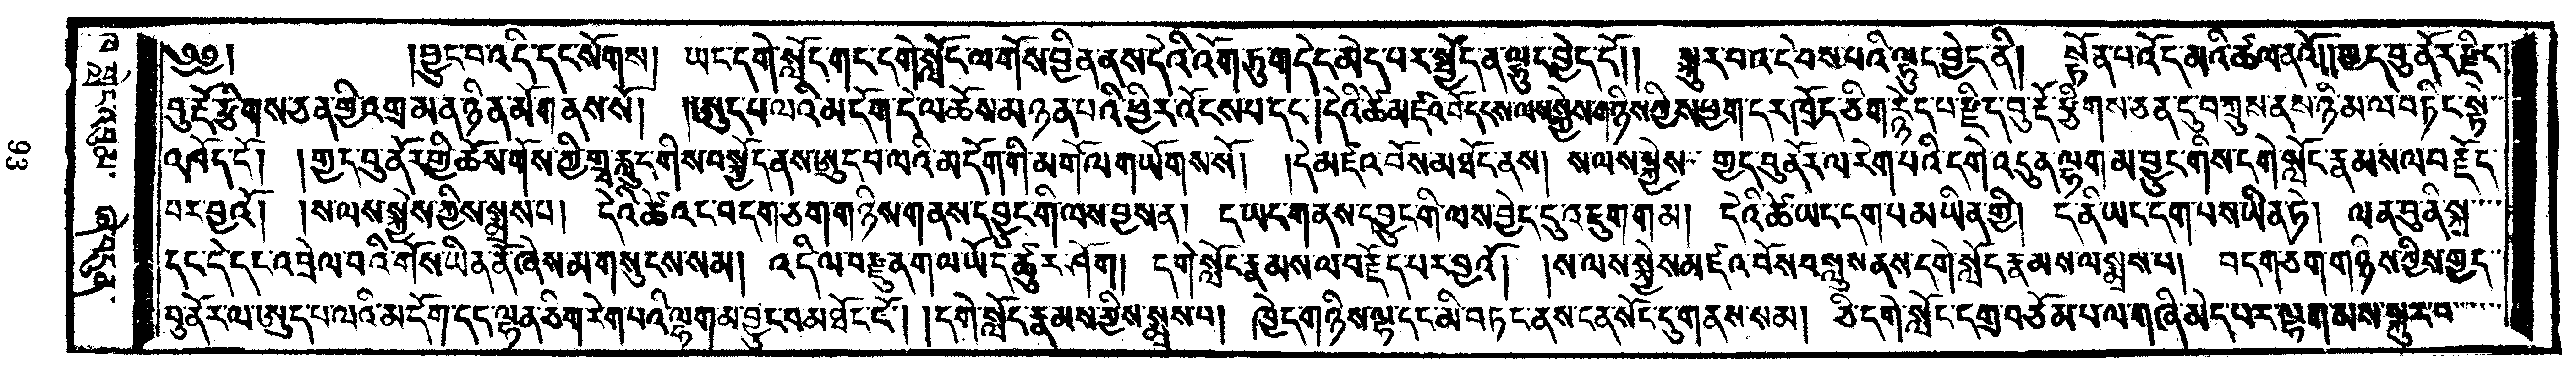༄༅། །བྱུང་བ་འདི་དང་སོགས། ཡང་དགེ་སློང་གང་དགེ་སློང་ལ་གོས་བྱིན་ནས་དེའི་འོག་ཏུ་གདེང་མེད་པར་སྦྱོད་ན་ལྟུང་བྱེད་དོ།། སྐུར་བ་འདེབས་པའི་ལྟུང་བྱེད་ནི། སྟོན་པ་འོད་མའི་ཚལ་ནའོ། །གྱད་བུ་ནོར་རྫིང་
བུ་རྡོ་རྩིགས་ཅན་གྱི་འགྲམ་ན་ཉིན་མོ་གནས་སོ། །ཨུད་པ་ལའི་མདོག་དེ་ལ་ཆོས་མཉན་པའི་ཕྱིར་འོངས་པ་དང་། དེའི་ཚེ་མཛའ་བོ་དངས་ལས་སྐྱེས་གཉིས་ཀྱིས་ཕྱག་དར་ཁྲོད་ཅིག་རྙེད་པ་རྫིད་བུ་རྡོ་རྩིགས་ཅན་དུ་བཀྲུས་ནས་ཉི་མ་ལ་བཏིང་སྟེ་
འཁོད་དོ། །གྱད་བུ་ནོར་གྱི་ཆོས་གོས་ཀྱི་གྲྭ་རླུང་གིས་བསྐྱོད་ནས་ཨུད་པ་ལའི་མདོག་གི་མགོ་ལ་གཡོགས་སོ། །དེ་མཛའ་བོས་མཐོང་ནས། ས་ལས་སྐྱེས༑ གྱད་བུ་ནོར་ལ་རེག་པའི་དགེ་འདུན་ལྷག་མ་བྱུང་གིས་དགེ་སློང་རྣམས་ལ་བརྗོད་
པར་བྱའོ། །ས་ལས་སྐྱེས་ཀྱིས་སྨྲས་པ། དེའི་ཚེའང་བདག་ཅག་གཉིས་གནས་དབྱུང་གི་ལས་བྱས་ན། ད་ཡང་གནས་དབྱུང་གི་ལས་བྱེད་དུ་འཇུག་གམ། དེའི་ཚེ་ཡང་དག་པ་མ་ཡིན་གྱི། ད་ནི་ཡང་དག་པས་ཡིན་ཏེ། ལན་བུ་ནི་སྐྲ་
དང་དེ་དང་འབྲེལ་བའི་གོས་ཡིན་ནོ་ཞེས་མ་གསུངས་སམ། འདི་ལ་བརྫུན་ག་ལ་ཡོད་ཚུར་ཤོག། དགེ་སློང་རྣམས་ལ་བརྗོད་པར་བྱའོ། །ས་ལས་སྐྱེས་མཛའ་བོས་བསླུས་ནས་དགེ་སློང་རྣམས་ལ་སྨྲས་པ། བདག་ཅག་གཉིས་ཀྱིས་གྱད་
བུ་ནོར་ལ་ཨུད་པ་ལའི་མདོག་དང་ལྷན་ཅིག་རེག་པའི་ལྷག་མ་བྱུང་བ་མཐོང་ངོ། །དགེ་སློང་རྣམས་ཀྱིས་སྨྲས་པ། ཁྱེད་གཉིས་ལྷ་དང་མི་བཏང་ནས་ངན་སོང་དུ་གནས་སམ། ཅི་དགེ་སློང་དགྲ་བཅོམ་པ་ལ་གཞི་མེད་པར་ལྷག་མས་སྐུར་བ་